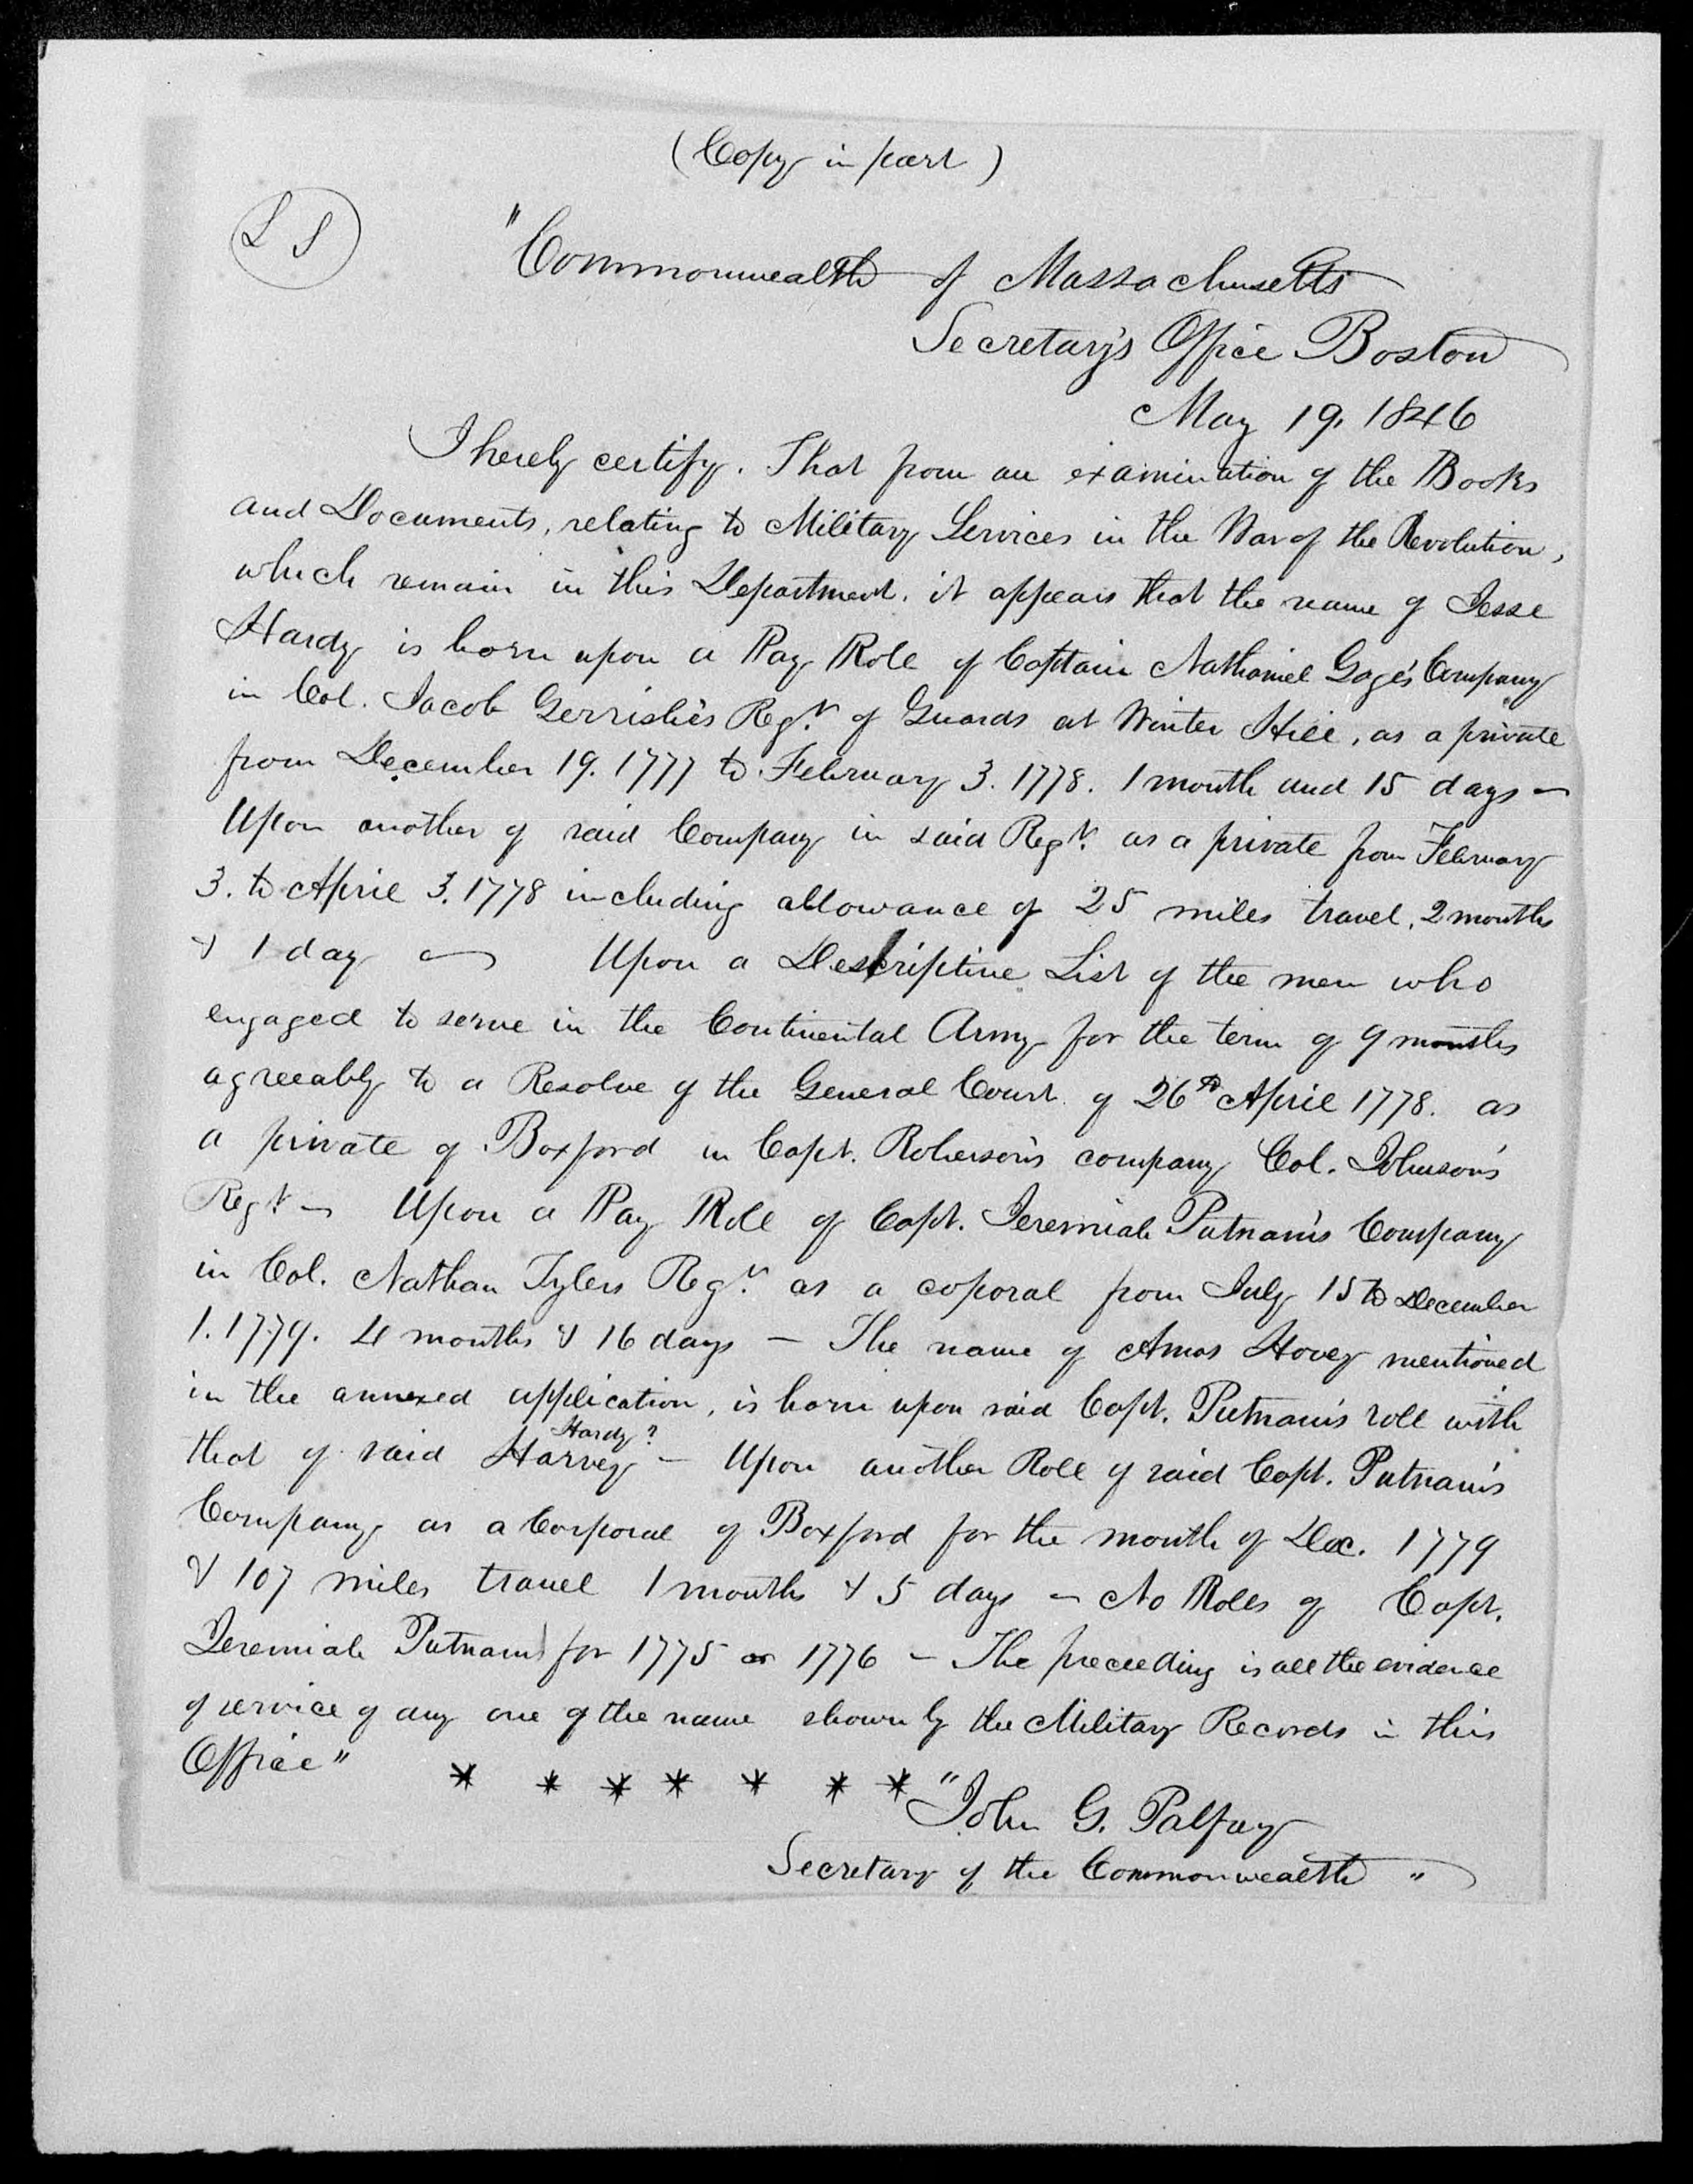(Copy in part)

Commonwealth of Massachusetts
Secretary Office Boston
May 19, 1846
I hereby certify that from are examination of the Books and Documents, relating to Military Services in the War of the Revolution, which remains in the Department, it appears that the name of Jesse Hardy found upon a Pay Role of Captain Nathaniel Gate's Company in Col. Jacob Gerrislies Reg. of Guards at Winter Hill, as a private from December 19, 1777 to February 3, 1778. 1 month and 15 days -Upon another of said Company in said Reg'M. as a private from February 3 to April 3 1778 including allowance of 25 miles travel, 2 months & 1 day - Upon a descriptive list of the men who engaged to serve in the Constitutional Army for the term of 9 months agreeably to a resolve of the General Court of 26th April 1778  as a private of Boxford in Cap't Robersens company Col Juberson's Reg'm - Upon a pay role of Cap't Jeremiah Putnam Company in Col. Natham Tyles Reg'm as a corporal from July 15 to December 1,1779. 4 months & 16 days - The name of Amos Hovey mentioned in the annexed application is found upon said Cap't Putnams roll with that of said Harvey(Hardy ?) - Upon another roll of said Cap't Putnams Company as a Corporal of Boxford for the month of Dec 1779 & 107 miles travel 1 month & 5 days - And roles of Cap't Jeremiah Putnam for 1775 or 1776 - The preceding is all the evidence of service of day are of the name shown by the Military Records in this office.
John G. Palfrey
Secretary of the Commenwealth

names: Harvey Hardy, Amos Hovey, Putnam, Jeremiah Putnam, John G Palfrey, Jesse Hardy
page: 54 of 67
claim: widow's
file: W. 23183, Jesse Hardy, Mass.